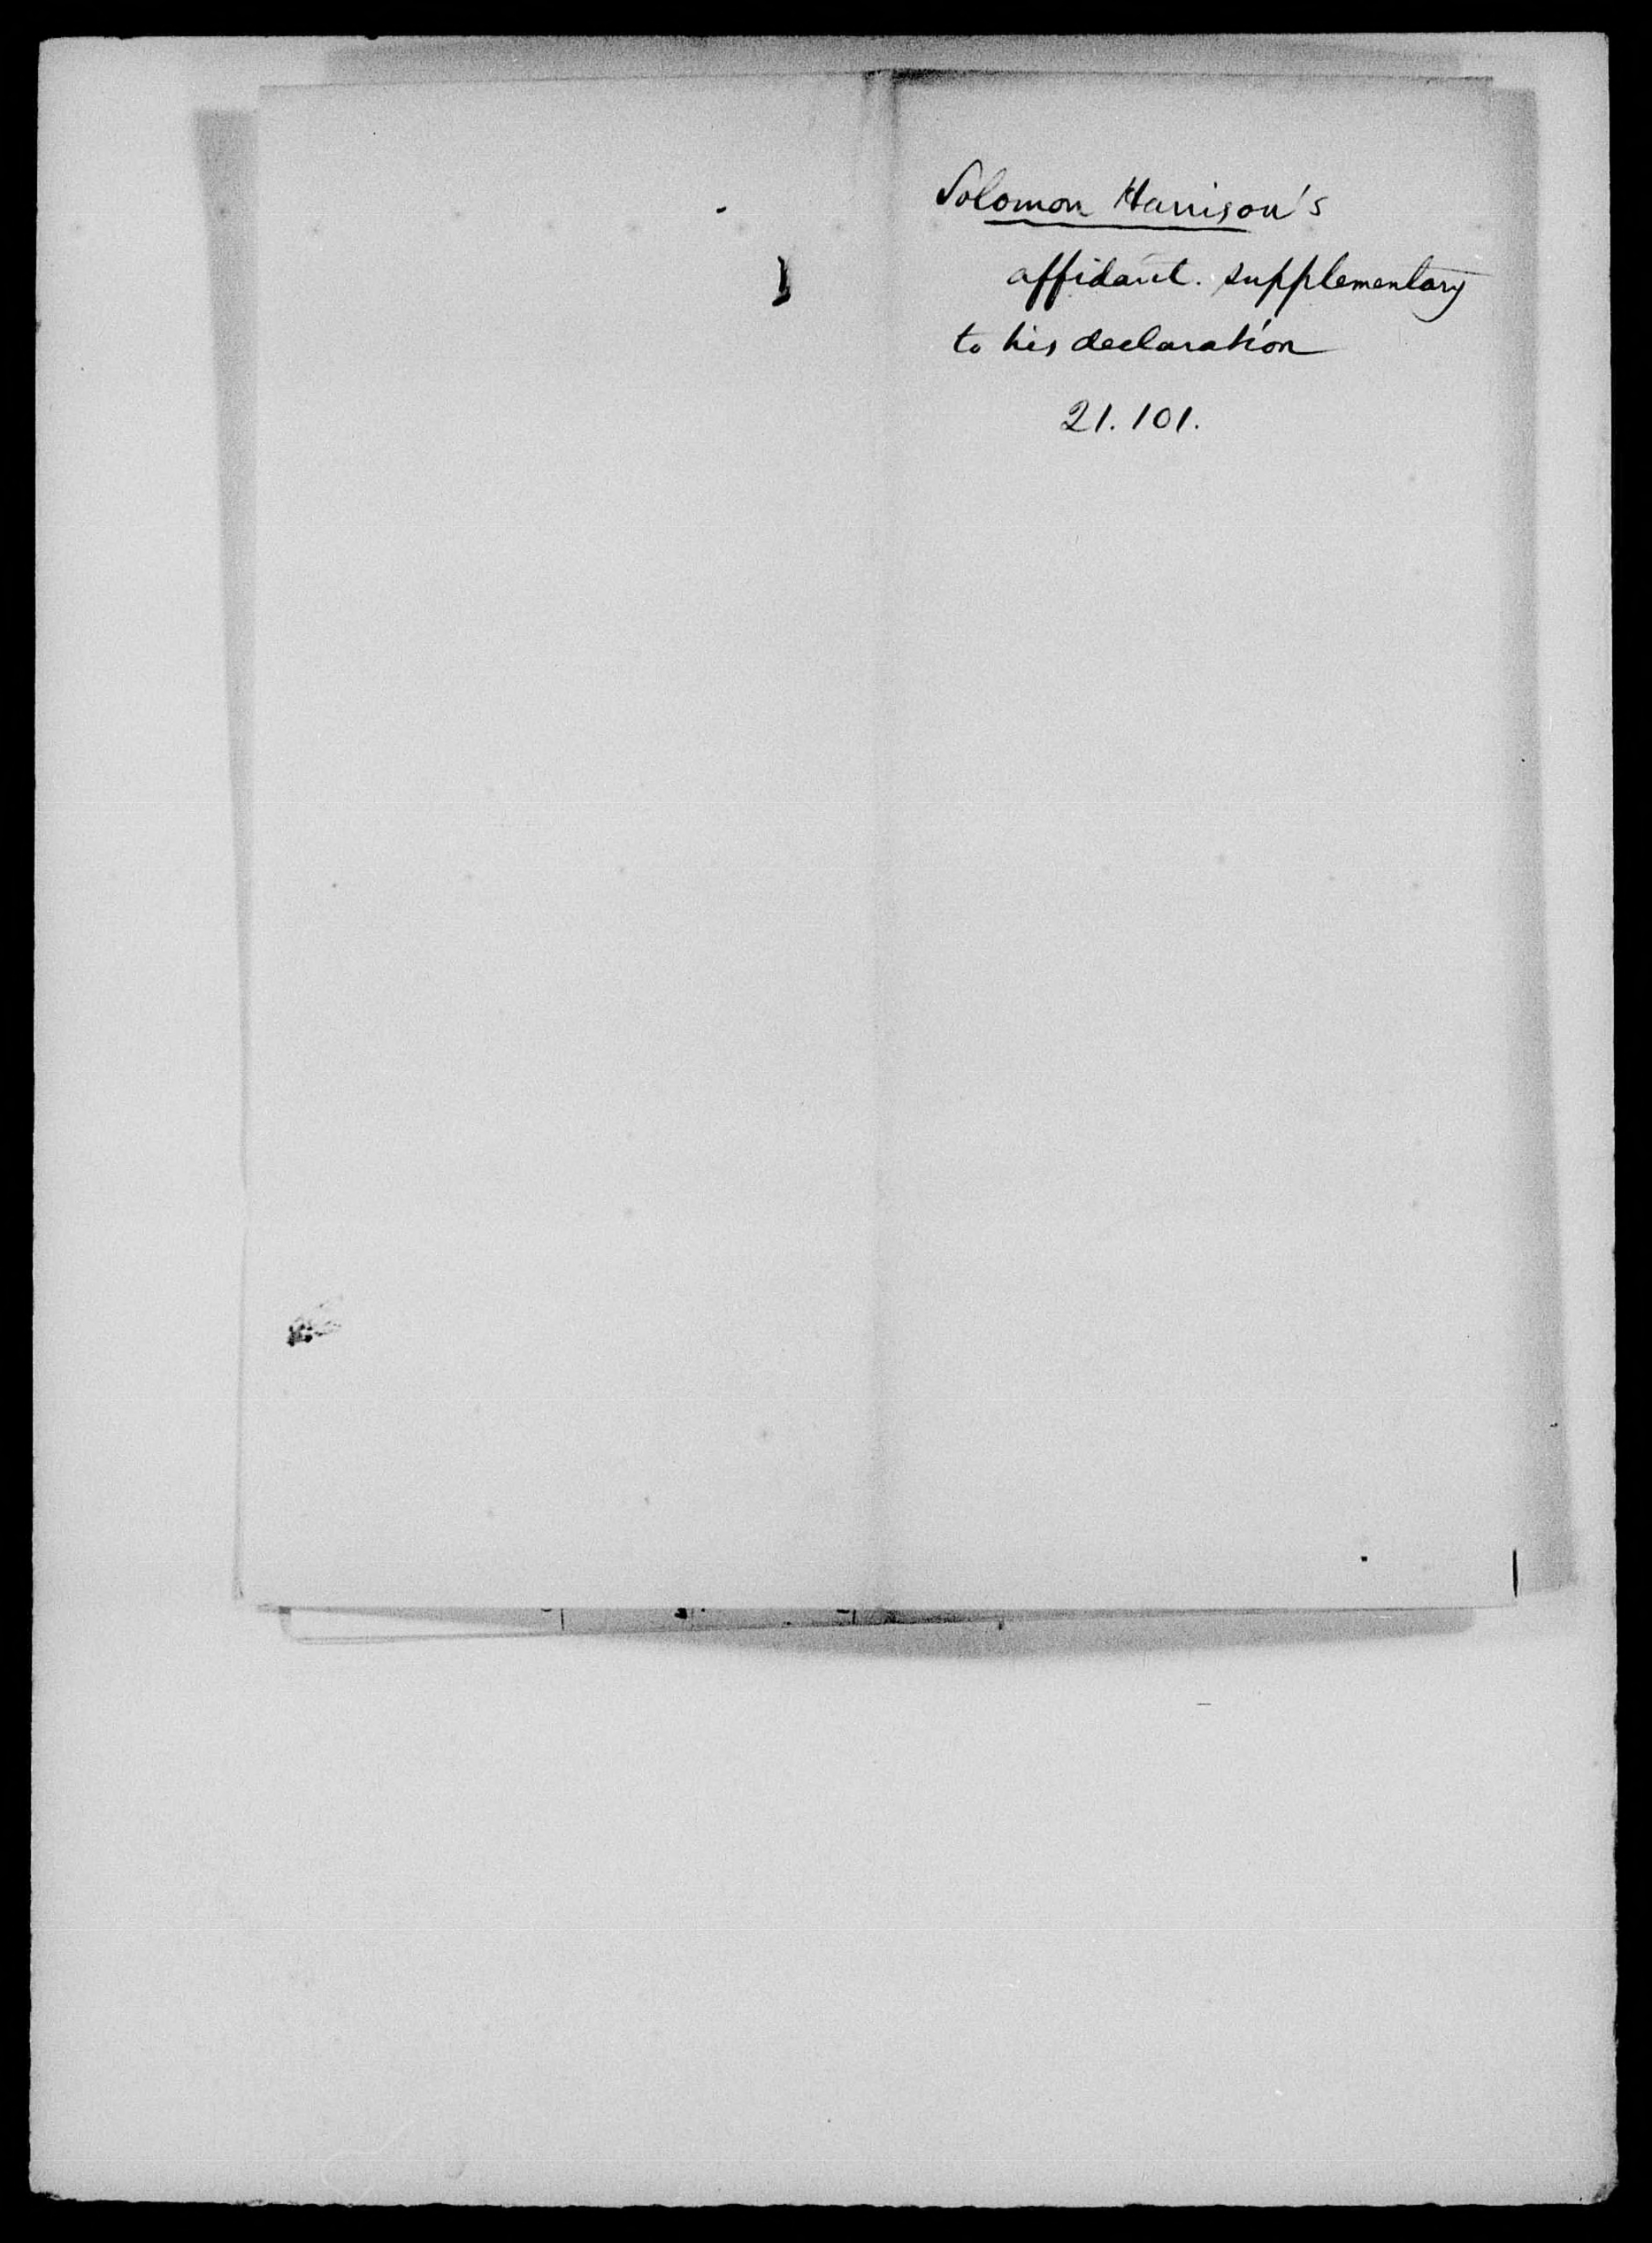Solomon Harrison's
affidavit supplementary
to his declaration
21.101.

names: Solomon Harrison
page: 12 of 22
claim: survivor's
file: S. 16137, Solomon Harrison, Conn.